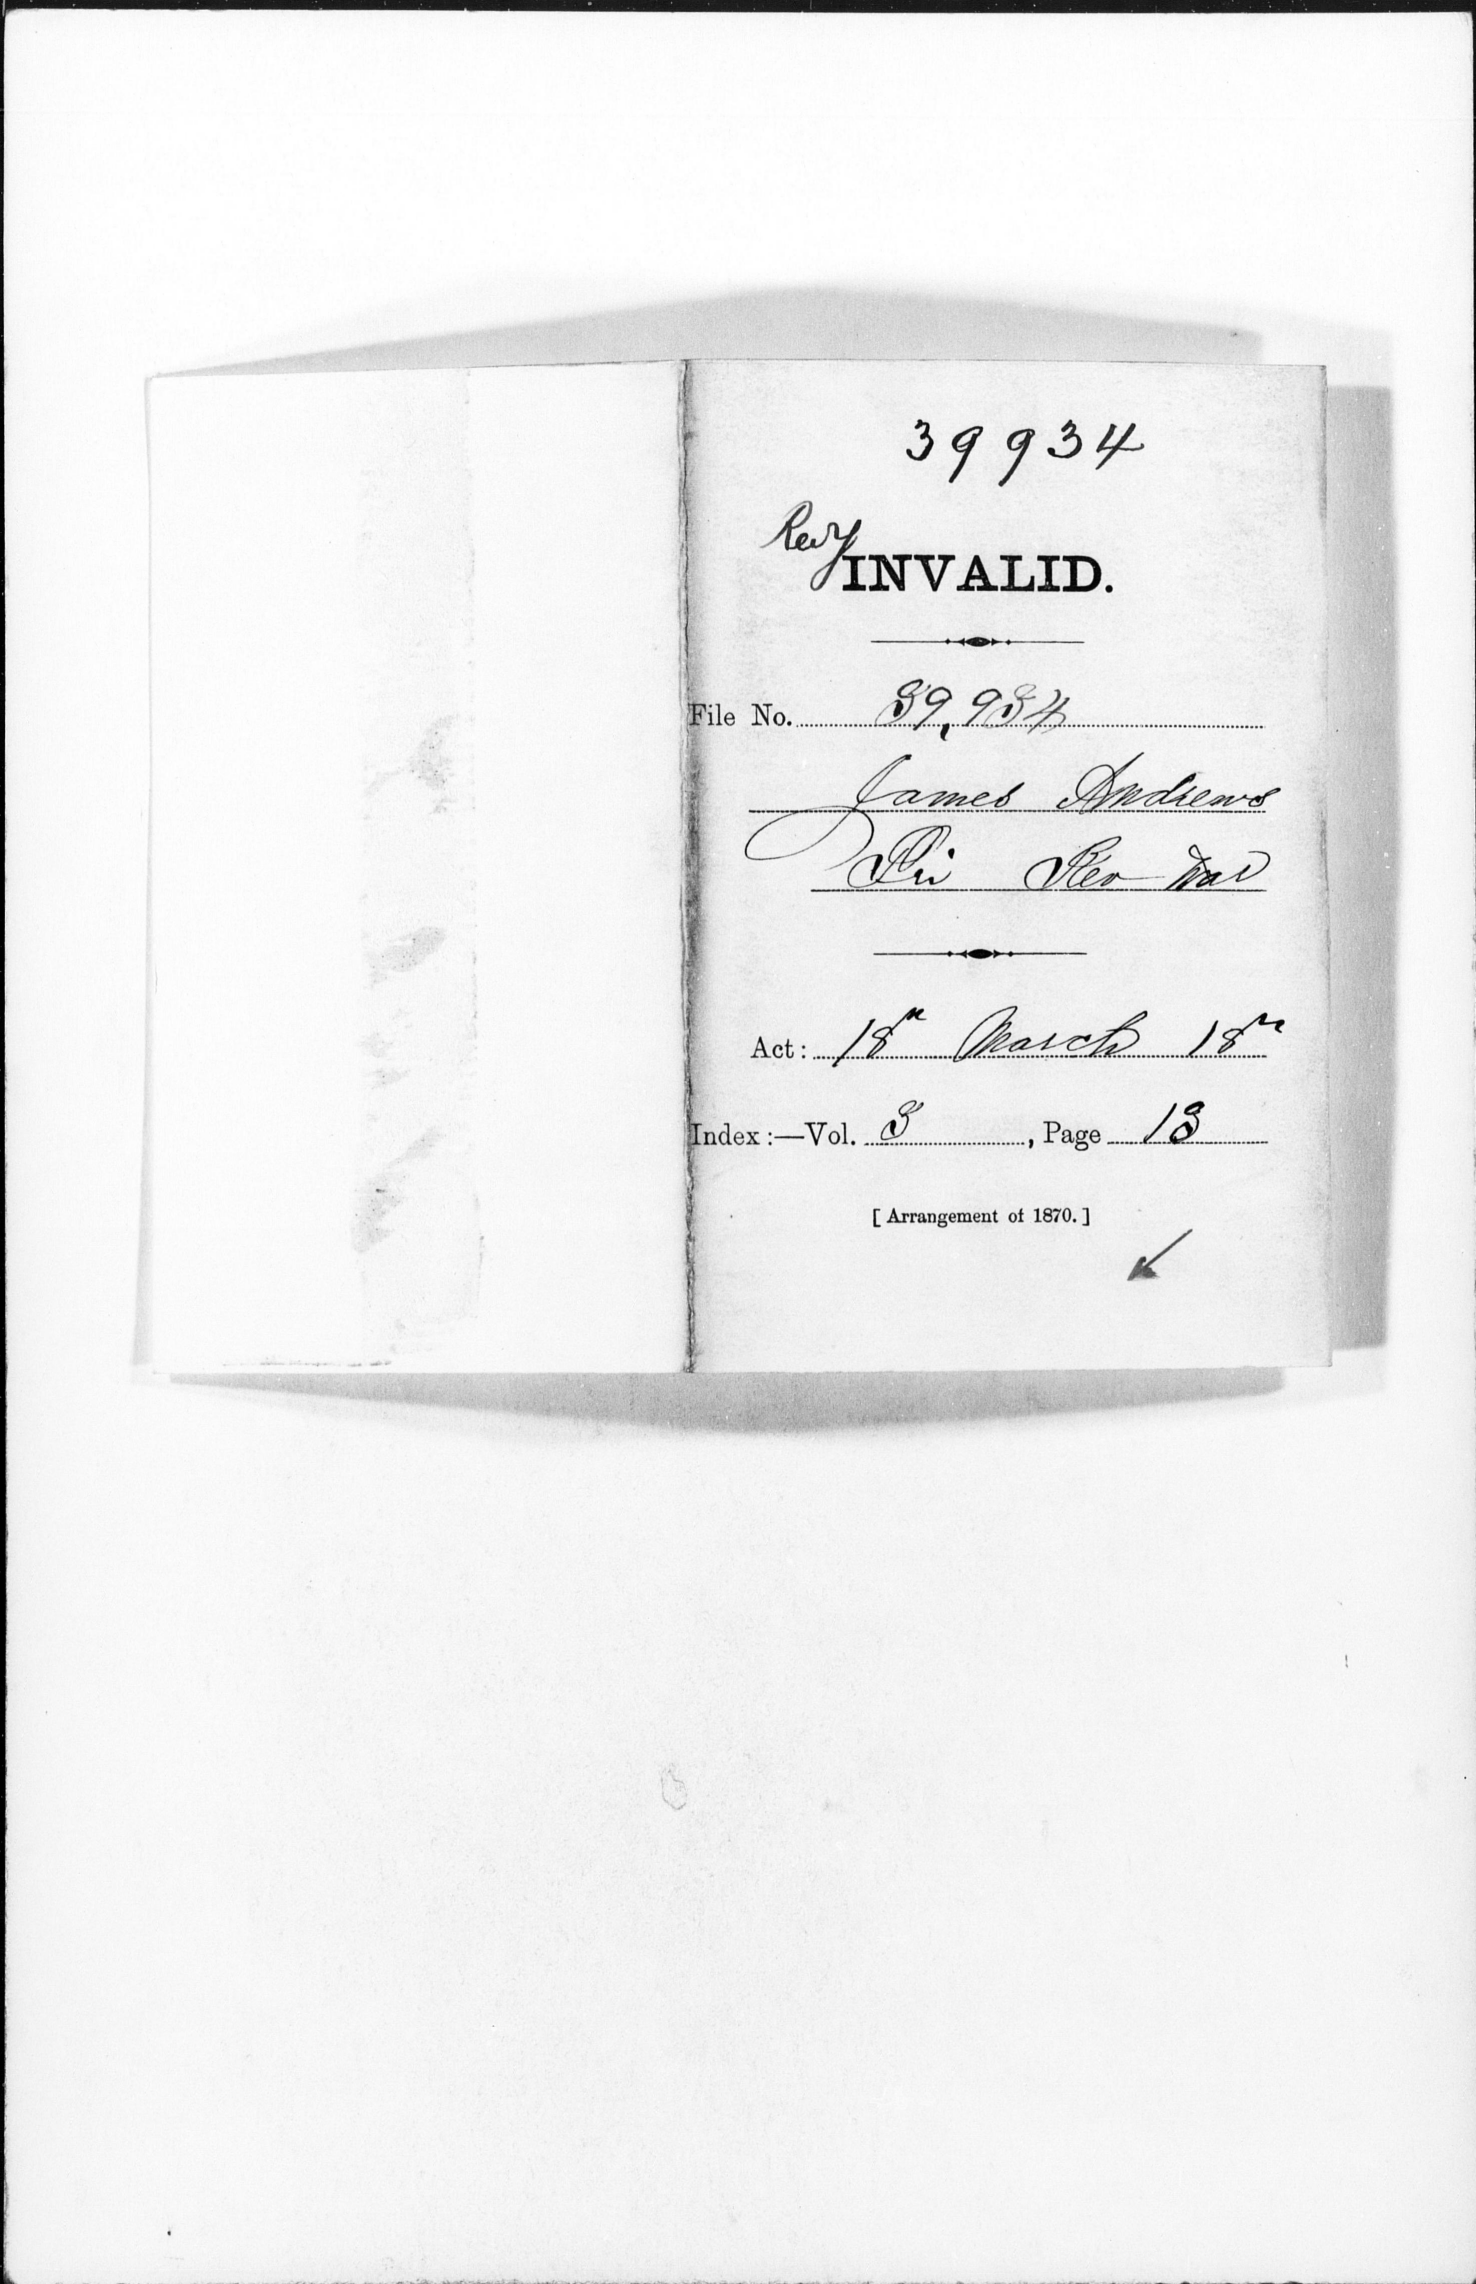39934

Invalid

File No. 39,934


James Andrews

Pri. Rev War
Act:  18  March  18

Index: Vol. 3 , page 13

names: James Andrews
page: 9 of 9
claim: survivor's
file: S. 39934, James Andrews, New Jersey